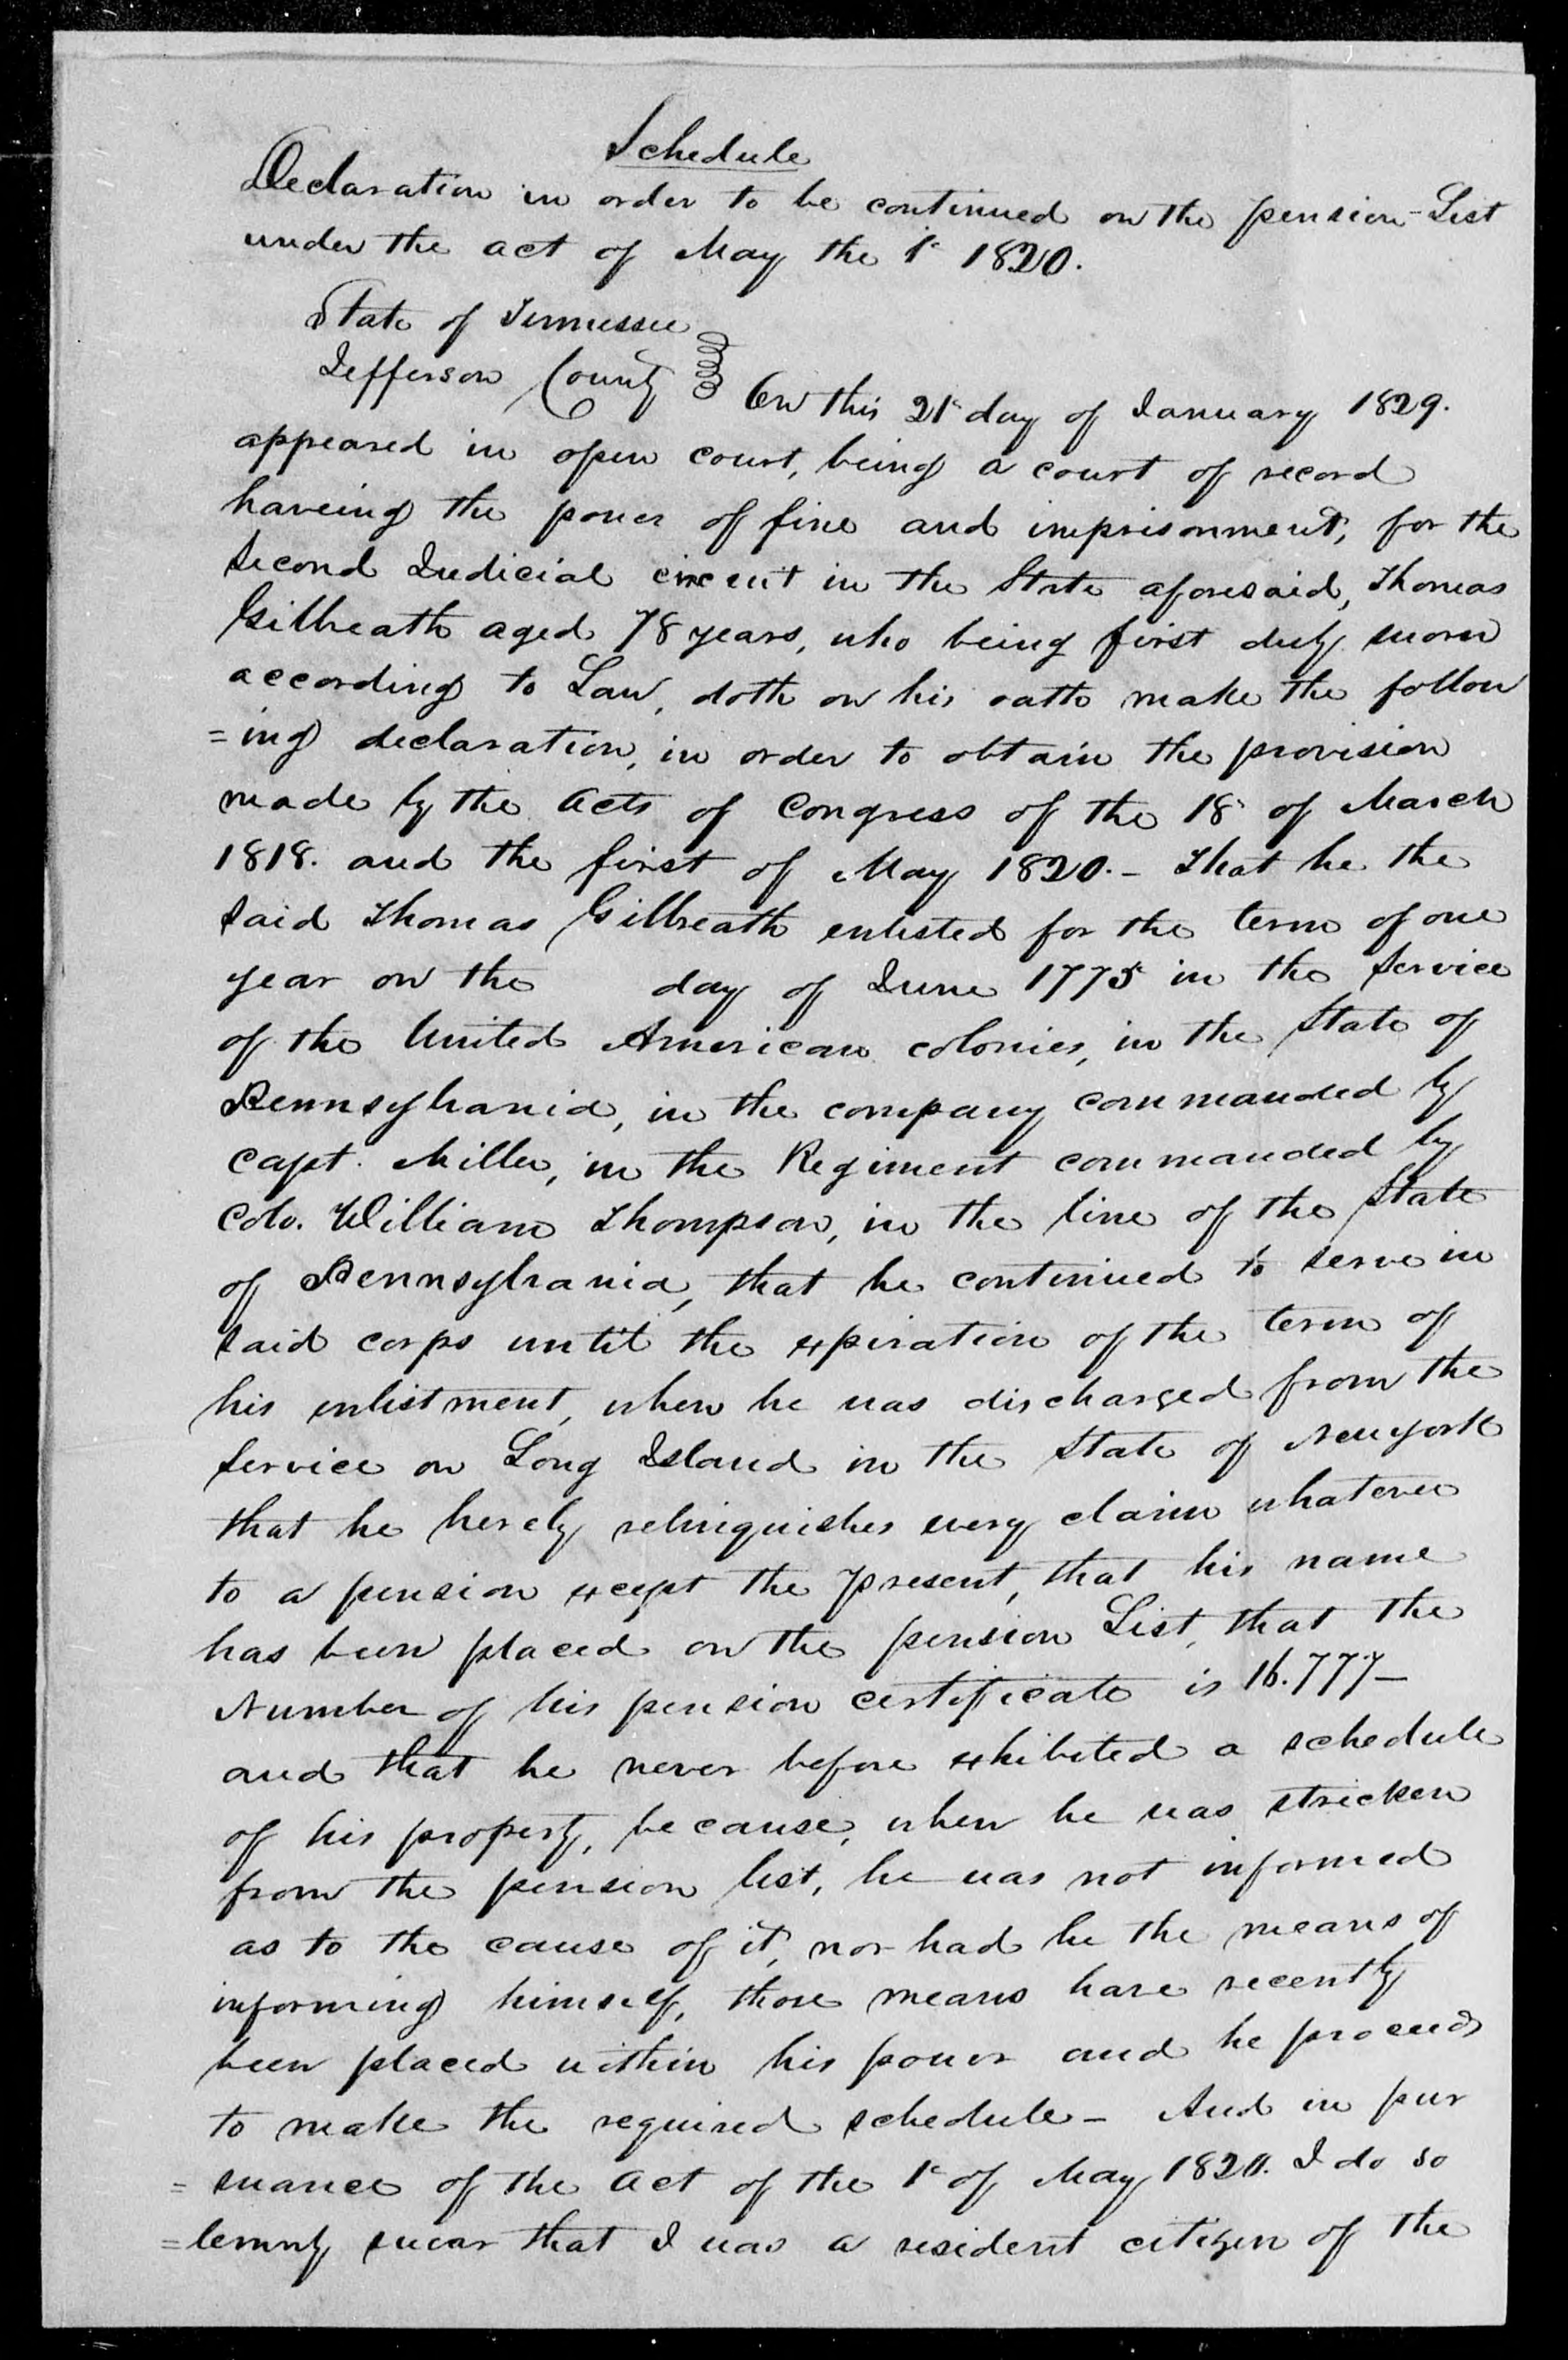[centered and underlined] Schedule
Declaration in order to be continued on the pension-list under the act of May the 1st 1820.
State of Tennessee}
Jefferson County}  On this 21 day of January 1829. appeared in open court, being a court of record having the power of fine and imprisonment:, for the Second Judicial circuit in the State aforesaid, Thomas Gilbreath aged 78 years, who being first duly sworn according to Law, doth on his oath make the following declaration, in order to obtain the provision  made by the acts of Congress of the 18' of March 1818. and the first of May 1820.- That he the said Thomas Gilbreath enlisted for the term of one year on this  [blank space] day of June 1775 in the Service of the United American colonies, in the State of Pennsylvania, in the company commanded by Capt. Miller, in the Regiment commanded by Colo. William Thompson, in the line of the State of Pennsylvania that he continued to serve in said corps until the expiration of the term of his enlistment, when he was discharged from the Service on Long Island in the State of New York that he hereby relinquishes every claim whatever to a pension except the present, that his name has been placed on the pension List, that the Number of his pension certificate is 16.777 - and that he never before exhibited a schedule of his property, because, when he was stricken from the pension list, he was not informed as to the cause of it, nor had he the means of informing himself, those means have recently been placed within his power and he proceeds to make the required schedule _ And in pursuance of the act of the 1' of May 1820. I do solemnly swear that I was a resident citizen of the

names: Thomas Gilbreath, Thomas Gilbreath, William Thompson, Miller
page: 8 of 24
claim: survivor's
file: S. 38727, Thomas Gilbreath, Penn.